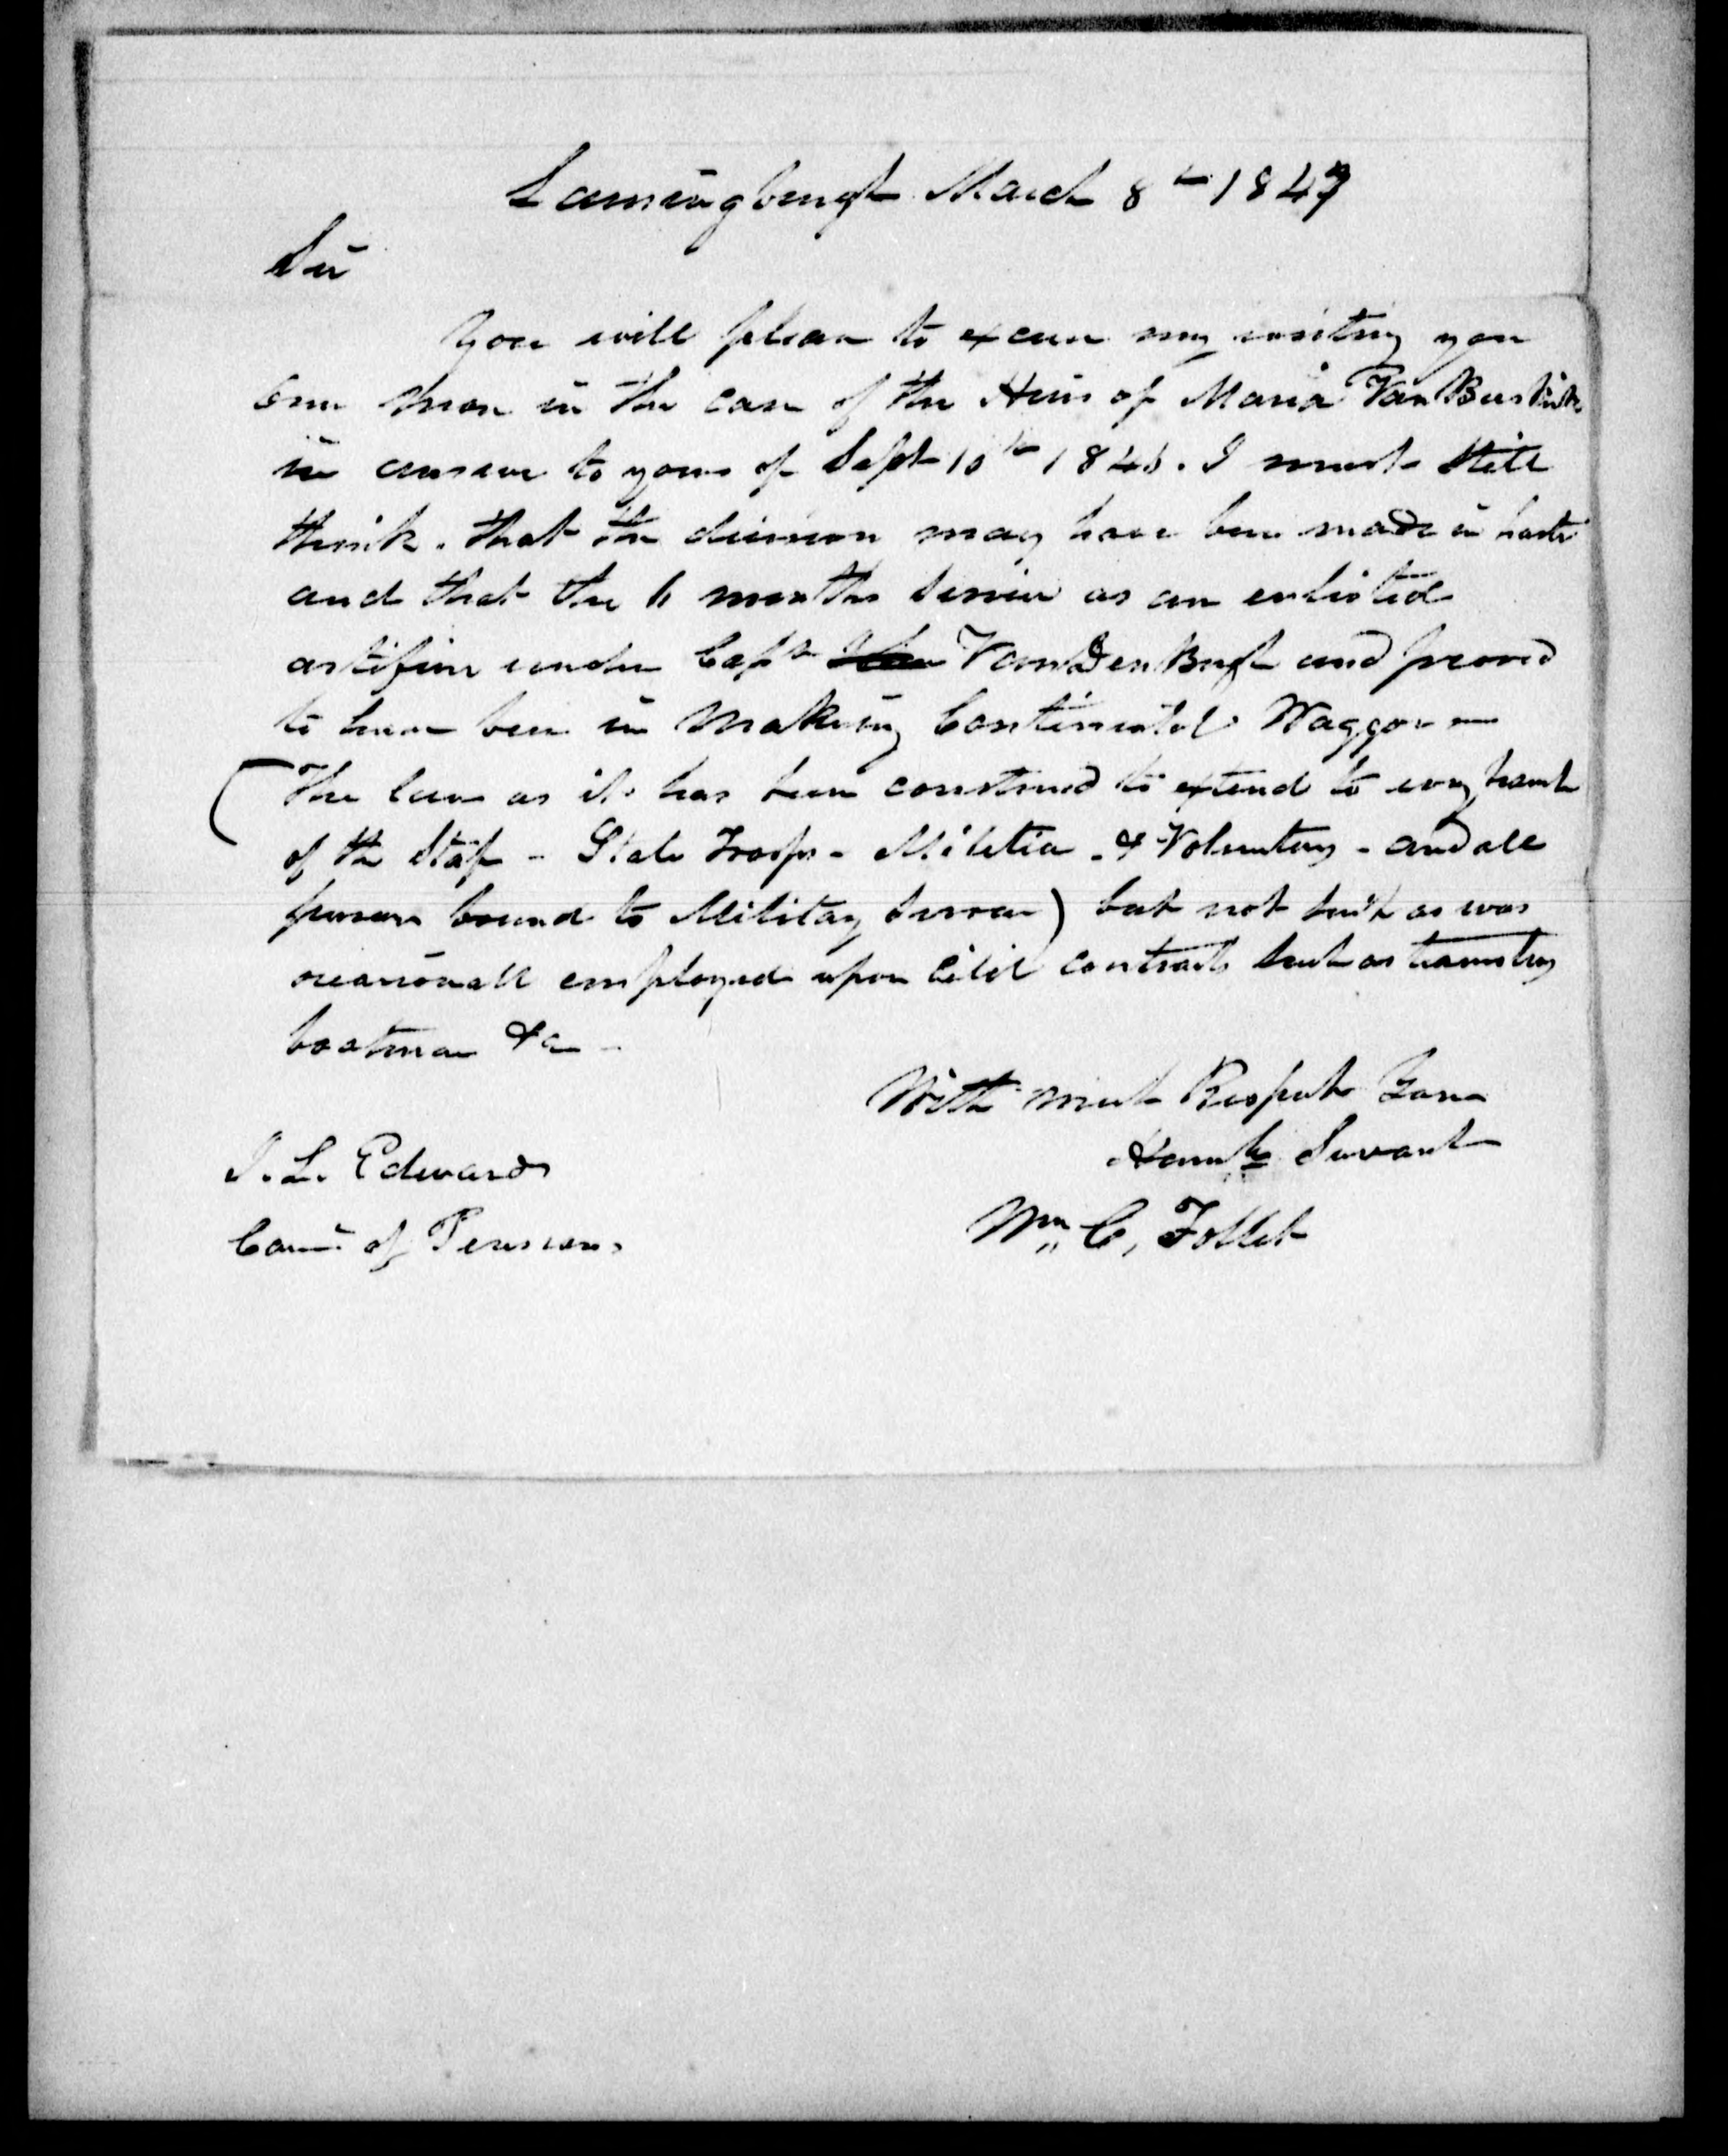Lansingburgh March 8th 1847

Sir
You will please to excuse my writing you once more in the case of the Heirs of Maria Van Buskirk in answer to yours of Sept 10th 1846. I must still think that the dissision [decision] may have been made in haste and that the 6 months service as an enlisted artificer under Capt John [John is crossed out] Vandenbergh and proved
to have been in making Continental Waggons
(The law as it has been construed to extend to every rank of the Staf [staff] - State Troops - Militia -  & Voluntary - and all persons bound to Military service) but not such as was occasional employed upon civil contracts such as teamsters boatman &c

With much respect I am Humble Servant
Wm. C. Follet [signature]

J. L. Edwards
Comr of Pensions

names: Wm C Follet, J L Edwards, Maria Van Buskirk, Van Denbergh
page: 31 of 70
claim: rejected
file: R. 10,832, Martin Van Buskirk, New York.